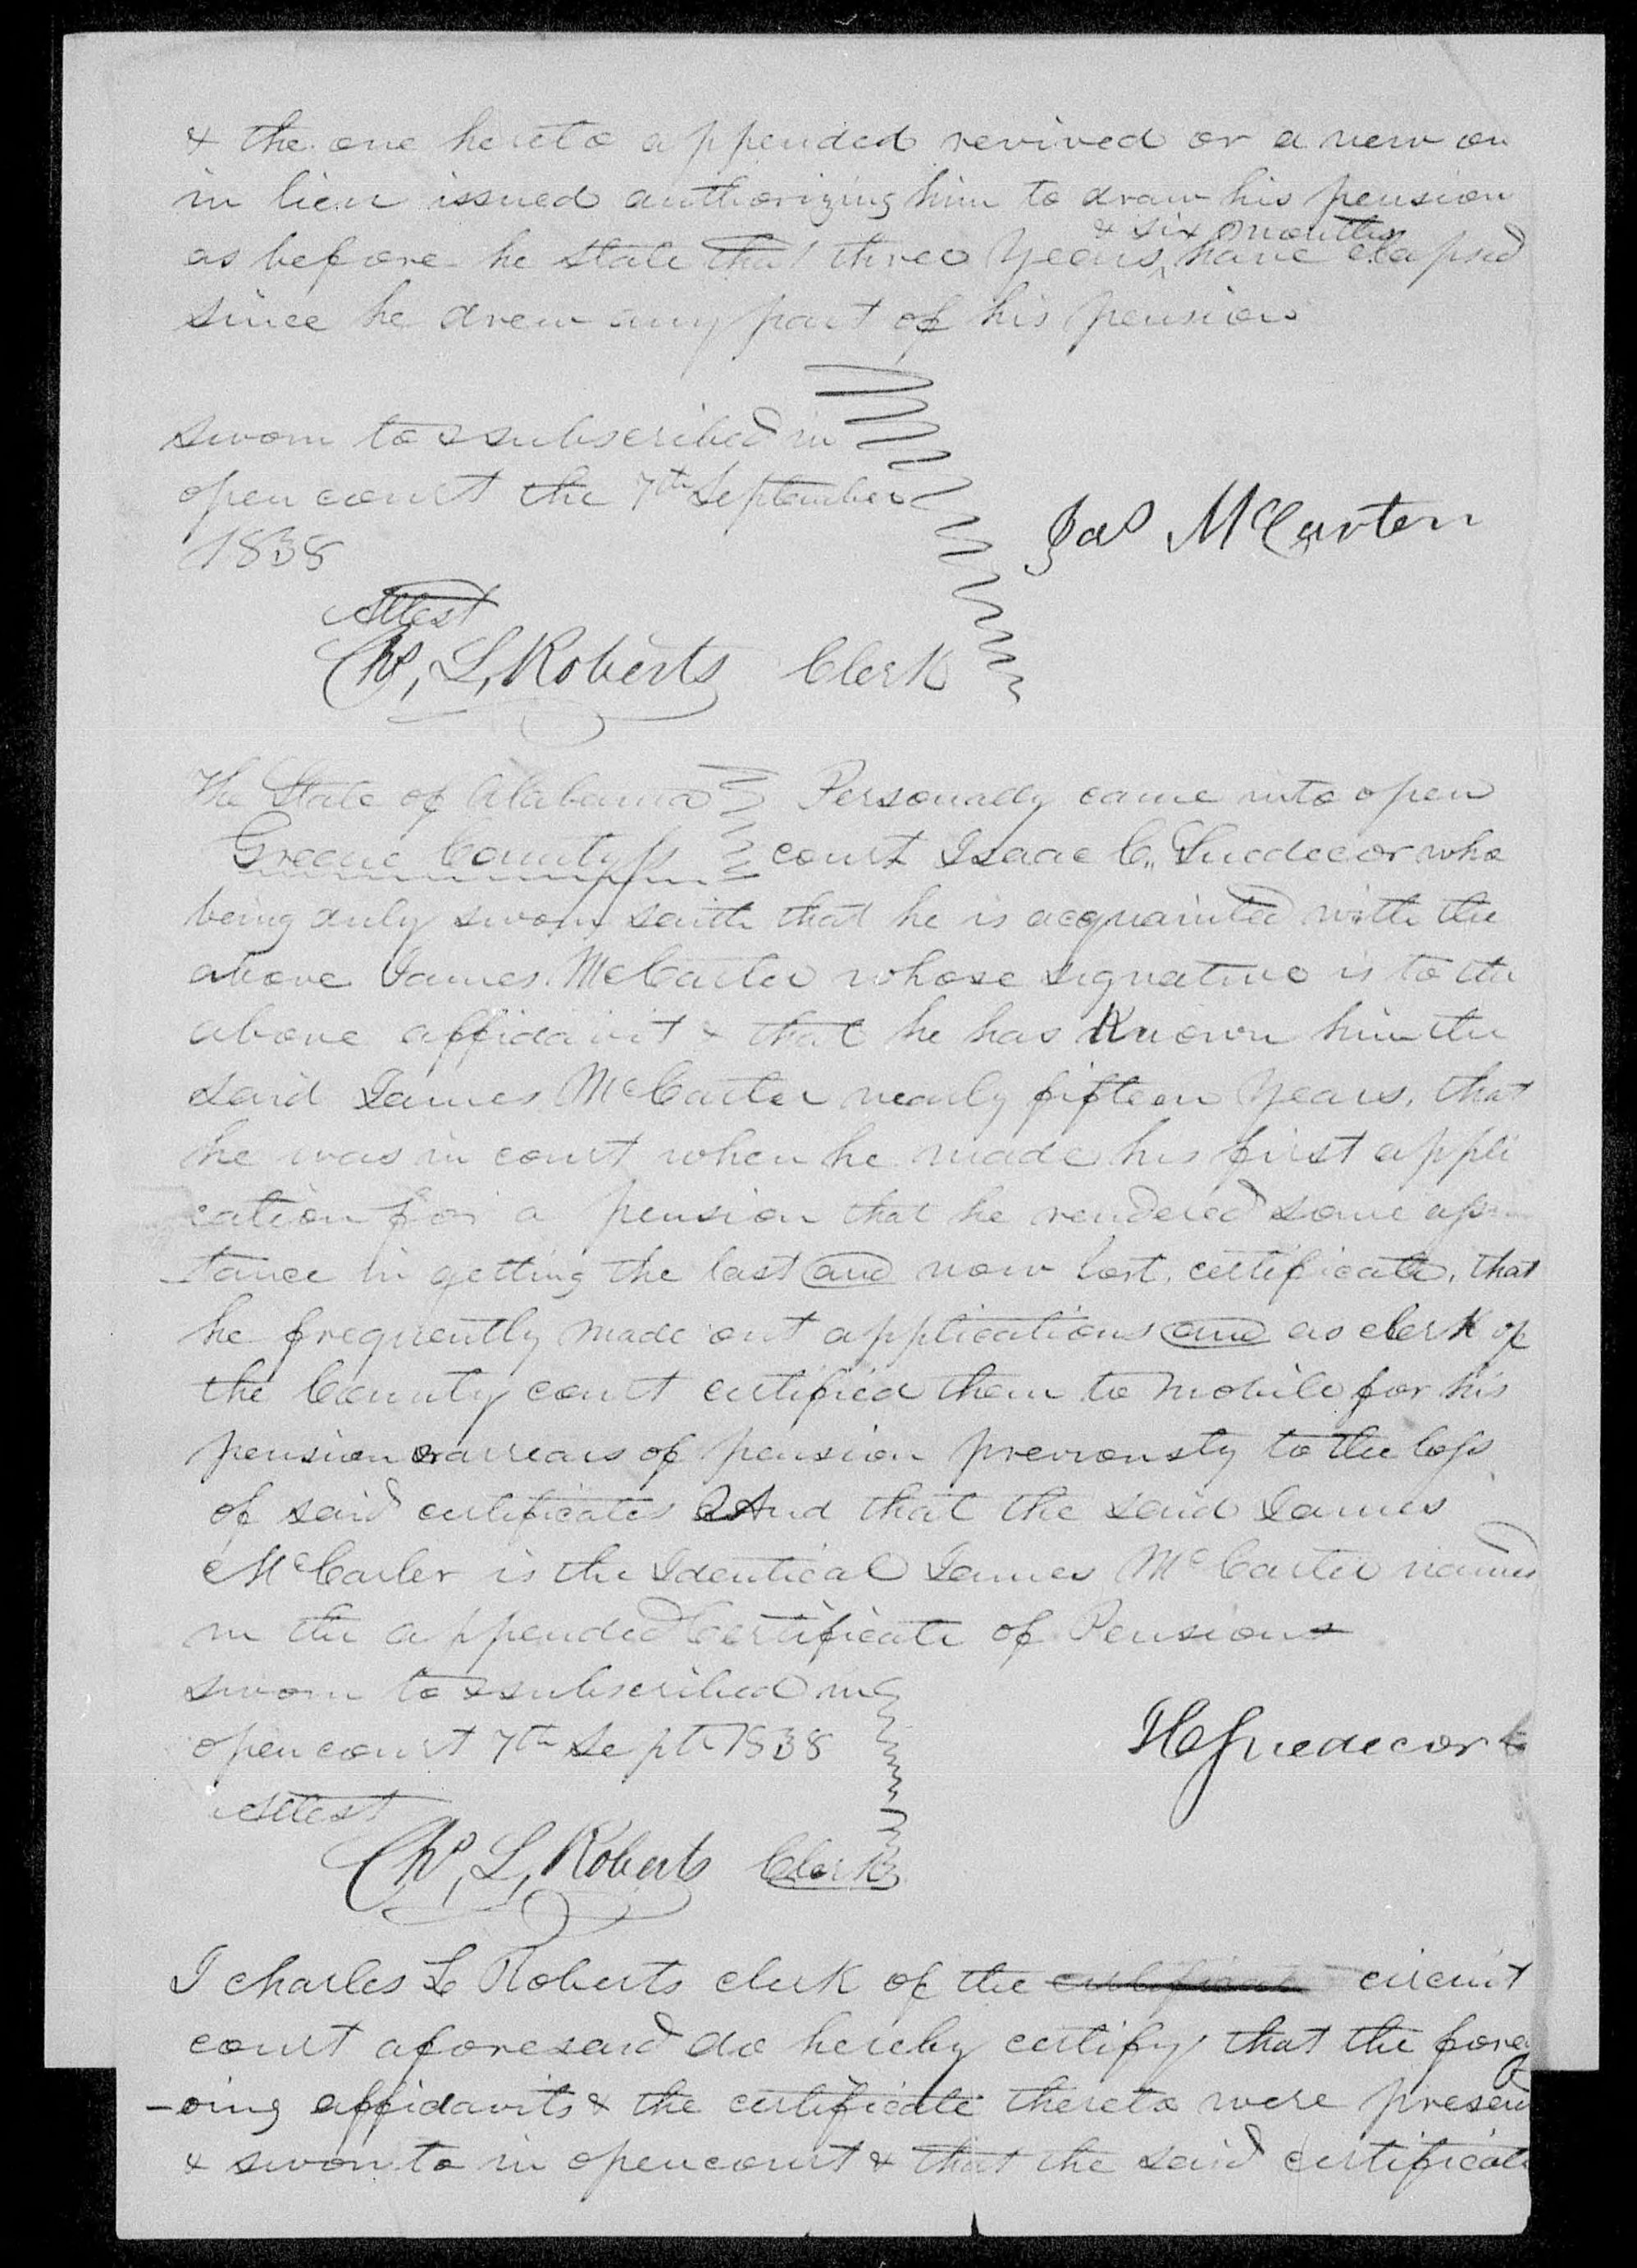& the one hereto appended revived or a new one in lien issued authorizing him to draw his pension as before he state that three years [inserted: and six months] have elapsed since he drew any part of his pension

Sworn to & subscribed in open court the 7th September 1838 

Jas McCarter

Attest Chs. L. Roberts Clerk

The State of Alabama}
Greene County Ss} Personally came into open
 Court Isaac . Snedecor who being duly sworn saith that he is acquainted with the
above James McCarter whose signature is to the above affidavit & that he has known him the said James McCarter nearly fifteen years, that he was in court when he made his first application for a pension that he rendered some assistance in getting the last and now lost, certificate, that he frequently made out application and as clerk of the County Court certified them to Mobile for his pension or arrears of pension previously to the loss of said certificates and that the said James
McCarter is the Identical James McCarter named in the appended Certificate of Pensions

Sworn to & subscribed in open court 7th Sept 1838

I C Snedecor

Attest Ch. C. L. Roberts Clerk

I Charles L Roberts Clerk of the circuit Court aforesaid do hereby certify that the foregoing
affidavits & the certificate thereto were present & sworn to in open court & that the said certificate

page: 38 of 45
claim: survivor's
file: S. 13,890, for James Mc Carter, South Carolina